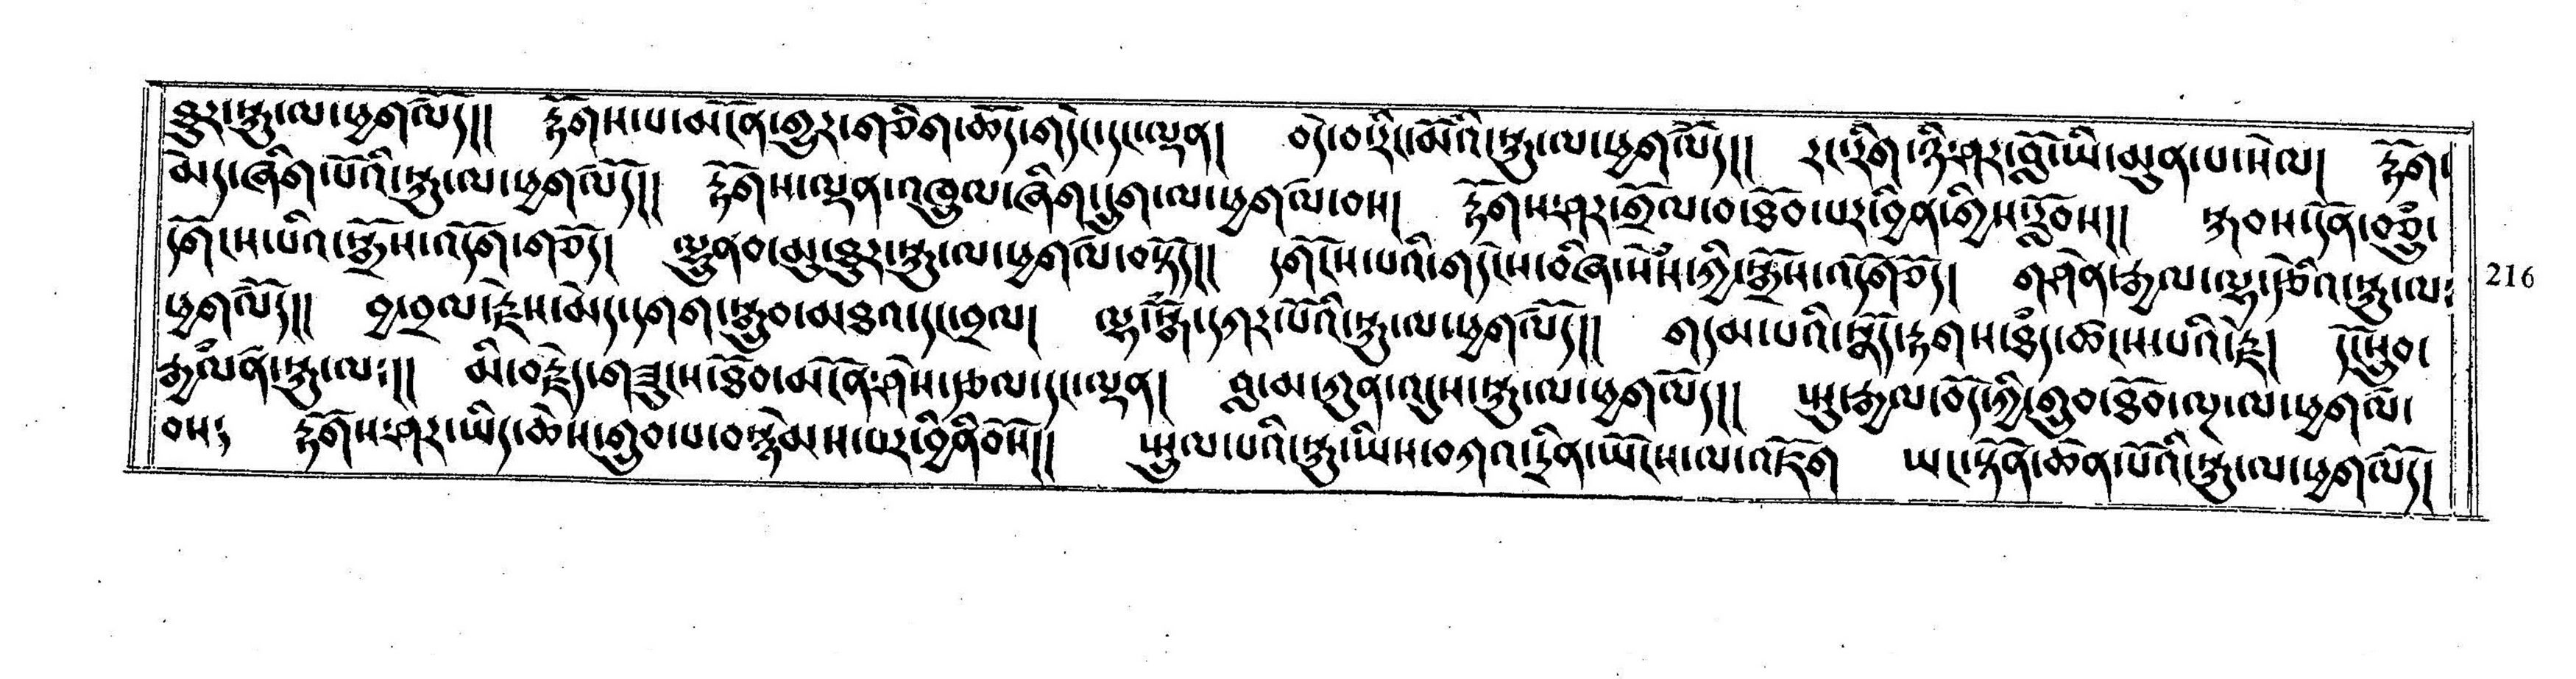ཐུར་སྐུ་ལ་ཕྱག་འཚལ་བསྟོད།། རྟོགས་པ་མངོན་གྱུར་གཅིག་ཆོད་གདེང་དང་ལྡན། བདེ་བ་རིང་མོའི་སྐུ་ལ་ཕྱག་འཚལ་བསྟོད།། རང་རིག་ཉི་ཤར་བློ་ཡི་མུན་པ་སེལ། རྟོག་
མེད་ཞིག་པོའི་སྐུ་ལ་ཕྱག་འཚལ་བསྟོད།། རྟོགས་ལྡན་འཁྲུལ་ཞིག་དྲུག་ལ་ཕྱག་འཚལ་བས། རྟོགས་ཤར་གྲོལ་བ་ཐོབ་པར་བྱིན་གྱིས་རློབས།། སྐབས་དོན་བཅུ་གསུམ་
དགོངས་པའི་སྒྲོས་འདོག་གཅོད། ལྷུན་གྲུབ་མུ་ཐུར་སྐུ་ལ་ཕྱག་འཚལ་བསྟོད།། དགོངས་པའི་གདེངས་བཞི་སེམས་ཀྱི་སྒྲོས་འདོག་གཅོད། གཤེན་རྒྱལ་ལྷ་རྩེའི་སྐུ་ལ་
ཕྱག་འཚལ་བསྟོད།། བྱ་བྲལ་རྗེས་མེད་དགག་སྒྲུབ་མཐའ་དང་བྲལ། ལྷ་སྒོམ་དཀར་པོའི་སྐུ་ལ་ཕྱག་འཚལ་བསྟོད།། གདམ་པའི་སྣོད་རྟགས་ཐམས་ཅད་ཚངས་པའི་རྗེ། དངོས་གྲུབ་
རྒྱལ་མཚན་སྐུ་ལ༴།། མི་བརྗེད་གཟུངས་ཐོབ་མངོན་ཤེས་རྩལ་དང་ལྡན། བླ་མ་ཀུན་འདུས་སྐུ་ལ་ཕྱག་འཚལ་བསྟོད།། སྤུ་རྒྱལ་བོད་ཀྱི་གྲུབ་ཐོབ་ལྔ་ལ་ཕྱག་འཚལ་
བས། རྟོགས་ཤར་ཡིད་ཆེས་གྲུབ་པ་བསྙེམས་པར་བྱིན་གྱིས་རློབས།། སྤྲུལ་པའི་སྐུ་ཡིས་བཀའ་དྲིན་ཡོངས་ལ་འཇོག ཡང་སྟོན་ཆེན་པོའི་སྐུ་ལ་ཕྱག་འཚལ་བསྟོད།